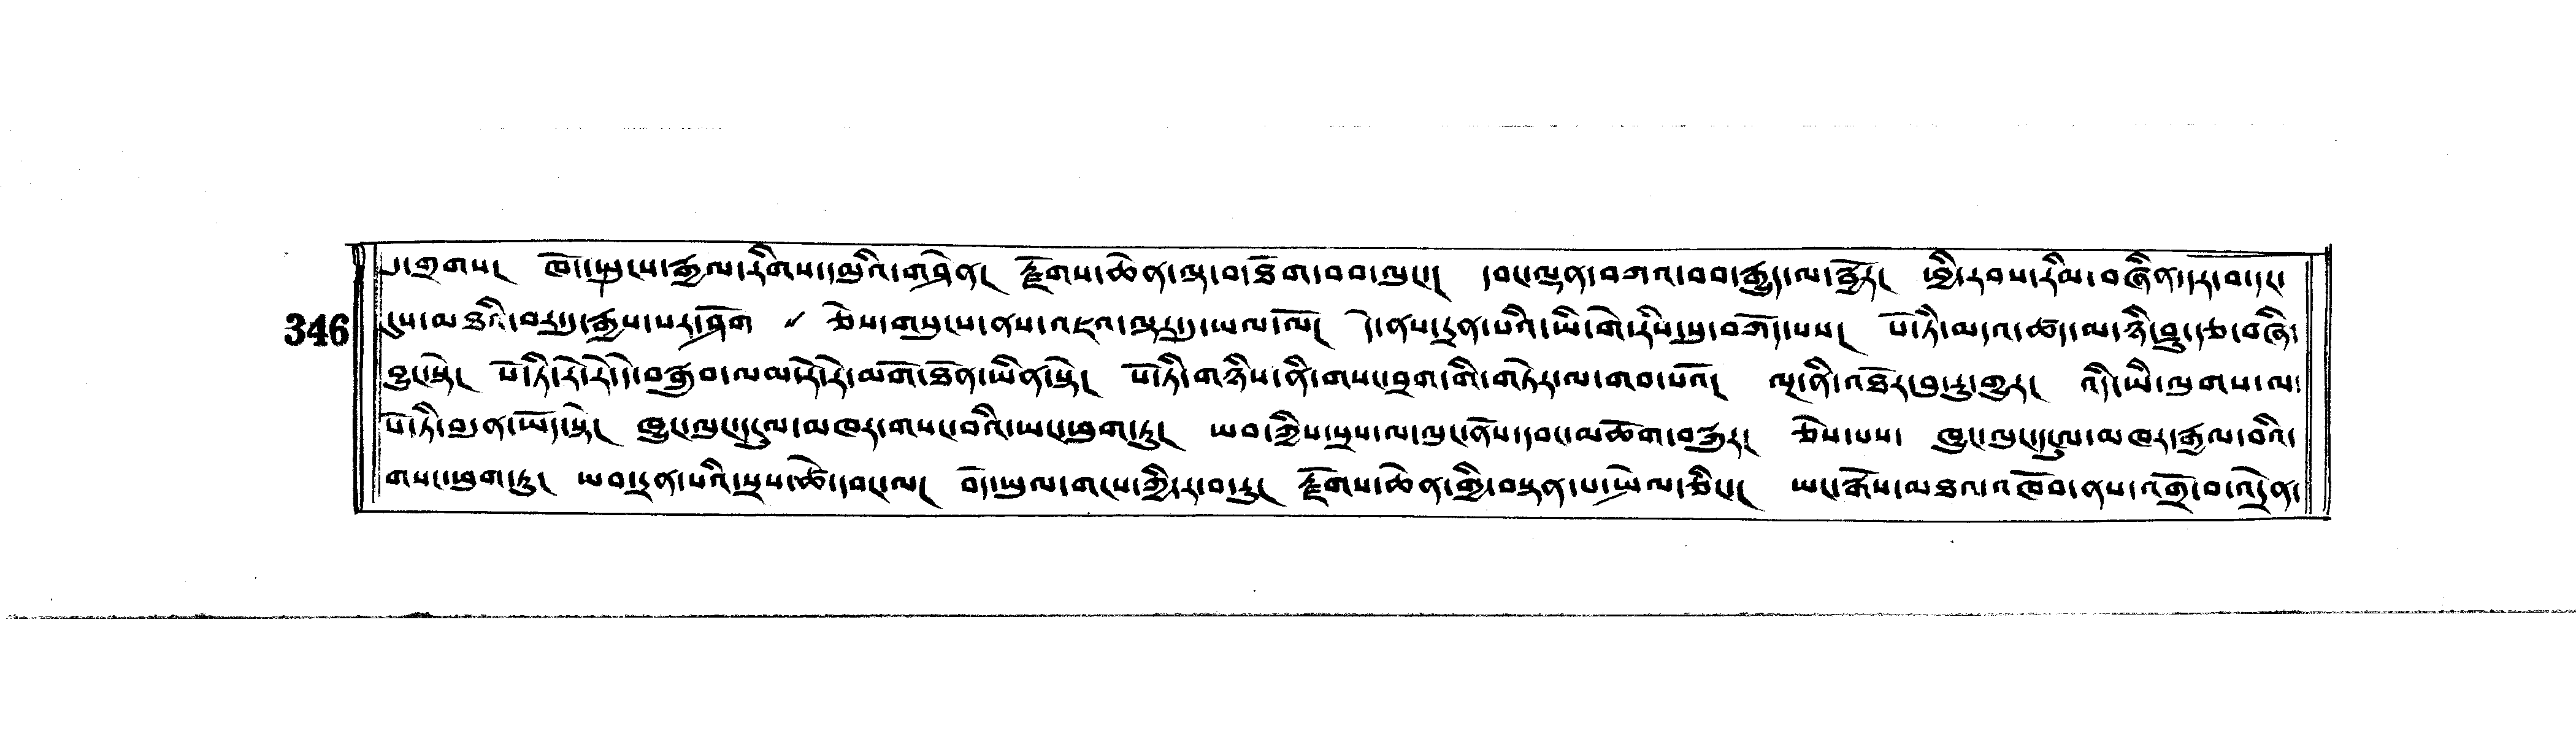དུ་གྲགས། ཁོད་སྤུངས་རྒྱལ་རིགས་དམུ་ཡི་གཤེན། རྫོགས་ཆེ་ལྟ་བ་ཐོག་བབ་ལུང་། དབང་ལྡན་བཀའ་བབ་རྒྱུད་ལ་སྦྱོར། ཕྱི་རབས་རིམ་བཞིན་དར་བ་དང་། 
དུས་མཐའི་བར་དུ་རྒྱས་པར་ཤོག ཅེས་གསུངས་ནས་འཇའ་ལྟར་དུ་ཡལ་ལོ། དེ་ནས་དྲན་པས་ཡི་གེ་རིས་སུ་བཀོད་པས། པོ་ཏི་མདའ་ཚད་མ་ཉི་ཤུ་རྩ་བཞི་
བྱུང་སྟེ། པོ་ཏི་རེ་རེ་དེ་བསྒྲུབ་ལམ་རེ་རེ་མགོ་ཐོན་ཡིན་ཏེ། པོ་ཏི་གཉིས་ནི་གསང་བྲག་གི་གཏེར་ལ་གབ་པའོ། ལྔ་ནི་ཐོར་བུ་རུ་གྱུར། འདི་ཡི་ལུགས་ལ་
པོ་ཏི་བདུན་ཡོད་དེ། ཁྱུང་ལུང་དངུལ་མཁར་གསང་བའི་ཡང་ཕུག་ཏུ། ཡབ་ཀྱིས་སྲས་ལ་ལུང་མནོས་དབང་མཆོག་བསྐུར། ཅེས་པས། ཁྱུང་ལུང་དངུལ་མཁར་རྒྱལ་བའི་
གསང་ཕུག་ཏུ། ཡབ་དྲན་པའི་སྲས་ཚེ་དབང་ལ། བོད་ཡུལ་གངས་ཀྱི་རྭ་བ་རུ། རྫོགས་ཆེན་གྱི་བསྟན་པ་སྤེལ་ཅིང་། ཡང་སྒོས་མཐའ་འཁོབ་ནས་འགྲོ་བ་འདྲེན་